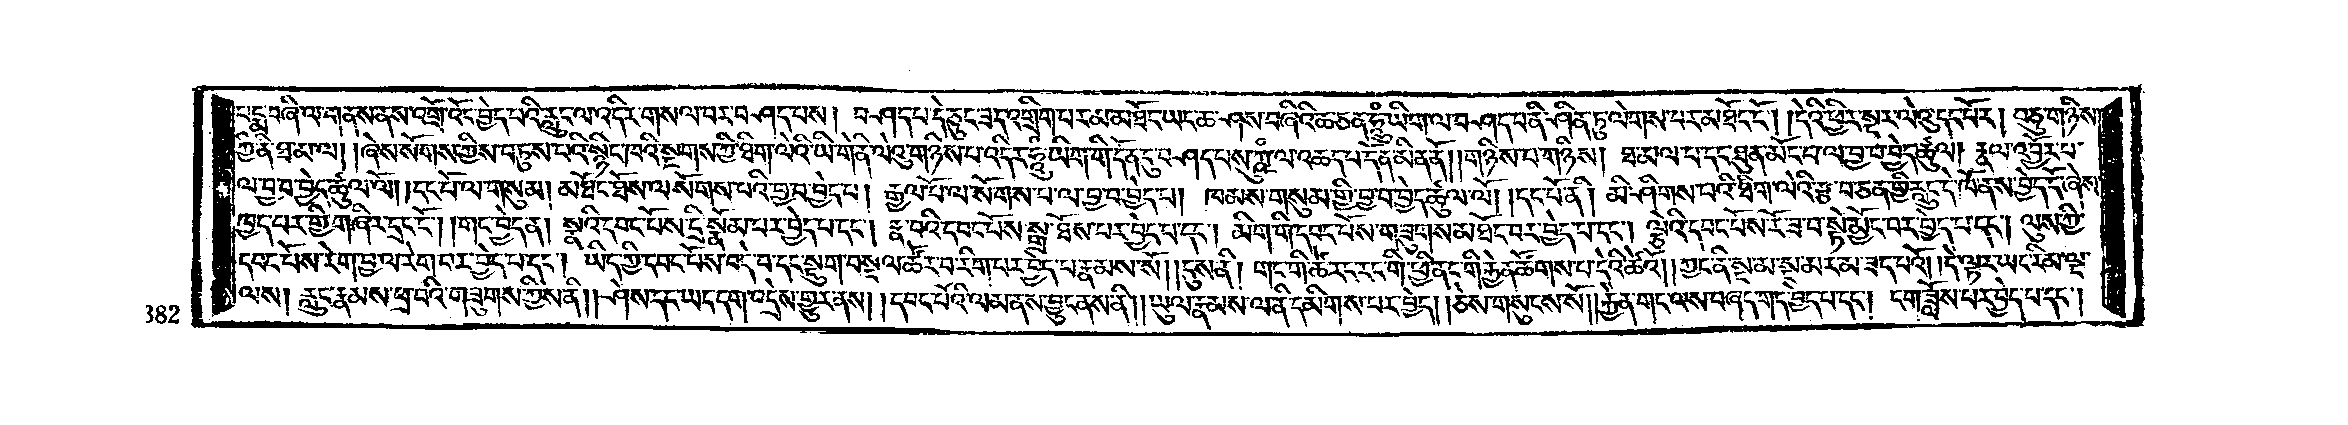པདམ་བཞི་ལ་གནས་ནས་འགྲོ་འོང་བྱེད་པའི་རླུང་ལ་འདིར་གསལ་བར་བཤད་པས། བཤད་པ་དེ་ཅུང་ཟད་འགྲིག་པར་མ་མཐོང་ཡང་ཆ་ཤས་བཞིའི་ཆ་ཅན་ཧཱུཾ་ཡིག་ལ་བཤད་པ་ནི་ཤིན་ཏུ་ལེགས་པར་མཐོང་ངོ། །དེའི་ཕྱིར་སྔར་ལེའུ་དང་པོར། བཅུ་གཉིས་
ཀྱི་ནི་ཐ་མ་ལ། །ཞེས་སོགས་ཀྱིས་བཏུས་པའི་སྙིང་ཁའི་སྔགས་ཀྱི་ཐིག་ལེའི་ཡི་གེ་ནི་ལེའུ་གཉིས་པ་འདིར་ཧཱུཾ་ཡིག་གི་དོན་དུ་བཤད་པས་ཀྵུཾ་ལ་འཆད་པ་དོན་མིན་ནོ། །གཉིས་པ་གཉིས། ཐ་མལ་པ་དང་ཐུན་མོང་བ་ལ་བྱ་བ་བྱེད་ཚུལ། རྣལ་འབྱོར་པ་
ལ་བྱ་བ་བྱེད་ཚུལ་ལོ། །དང་པོ་ལ་གསུམ། མཐོང་ཐོས་ལ་སོགས་པའི་བྱ་བ་བྱེད་པ། རྒྱལ་པོ་ལ་སོགས་པ་ལ་བྱ་བ་བྱེད་པ། ཁམས་གསུམ་གྱི་བྱ་བ་བྱེད་ཚུལ་ལོ། །དང་པོ་ནི། མི་ཤིགས་པའི་ཐིག་ལེའི་རྩ་བ་ཅན་གྱི་རླུང་དེ་ཁོ་ནས་བྱེད་དོ་ཞེས་
ཁྱད་པར་གྱི་གཞིར་དྲང་ངོ། །གང་བྱེད་ན། སྣའི་དབང་པོས་དྲི་སྣོམ་པར་བྱེད་པ་དང་། རྣ་བའི་དབང་པོས་སྒྲ་ཐོས་པར་བྱེད་པ་དང་། མིག་གི་དབང་པོས་གཟུགས་མཐོང་བར་བྱེད་པ་དང་། ལྕེའི་དབང་པོས་རོ་ཟ་བ་སྟེ་མྱོང་བར་བྱེད་པ་དང་། ལུས་ཀྱི་
དབང་པོས་རེག་བྱ་ལ་རེག་པར་བྱེད་པ་དང་། ཡིད་ཀྱི་དབང་པོས་བདེ་བ་དང་སྡུག་བསྔལ་ཚོར་བ་རིག་པར་བྱེད་པ་རྣམས་སོ། །དུས་ནི། གང་གི་ཚེ་རང་རང་གི་ཕྱི་ནང་གི་རྐྱེན་ཚོགས་པ་དེའི་ཚེའོ། །ཀྱང་ནི་སྔ་མ་སྔ་མར་མ་ཟད་པའོ། །དེ་ལྟར་ཡང་རིམ་ལྔ་
ལས། རླུང་རྣམས་ཕྲ་བའི་གཟུགས་ཀྱིས་ནི། །ཤེས་དང་ཡང་དག་འདྲེས་གྱུར་ནས། །དབང་པོའི་ལམ་ནས་བྱུང་ནས་ནི། །ཡུལ་རྣམས་ལ་ནི་དམིགས་པར་བྱེད། །ཅེས་གསུངས་སོ། །རྐྱེན་གང་ལས་བཞད་གད་བྱེད་པ་དང་། ངག་ཟློས་པར་བྱེད་པ་དང་།